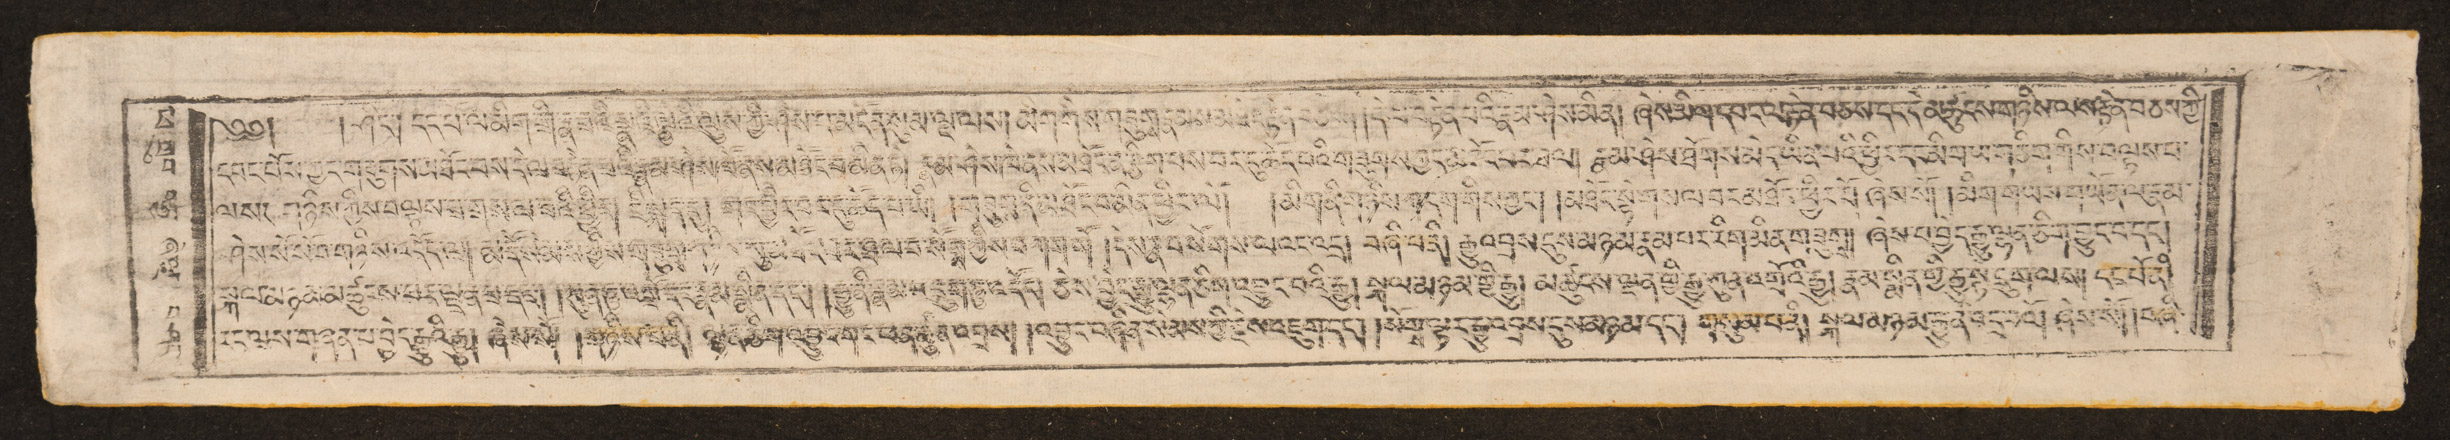༄༅། །ཤིང་། དང་པོ་ལ་མིག་གི་རྣ་བའི་སྣའི་ལྕེའི་ལུས་ཀྱི་ཤེས་པ་མངོན་སུམ་ལྔ་ལས། མིག་གིས་གཟུགས་རྣམས་མཐོད་རྟེན་བཅས། །དེ་ལ་བརྟེན་པའི་རྣམ་ཤེས་མིན། ཞེས་མིག་དབང་ལ་རྟེན་བཅས་དང་དེ་མཚུངས་གཉིས་ལས་རྟེན་བཅས་ཀྱི་
དབང་པོས་ཀྱང་གཟུགས་མཐོང་བས་དེ་ལ་བརྟེན་པའི་རྣམ་ཤེས་ཁོ་ནས་མཐོང་བ་མིན་ཏེ། རྣམ་ཤེས་ཁེ་ནས་མཐོང་ན་རྩིག་པས་བར་དུ་ཆོད་བའི་གཟུགས་ཀྱང་མཐོང་བར་ཐལ། རྣམ་ཤེས་ཐོགས་མེད་ཡིན་པའི་ཕྱིར་དང་མིག་ཡ་གཅིག་གིས་བལྟས་པ་
ལས༑ གཉིས་ཀྱིས་བལྟས་པ་གསལ་བའི་ཕྱིར། ཇི་སྐད་དུ། གང་བྱིར་བར་དུ་ཆོད་པ་ཡི། །གཟུགས་ནི་མཐོང་བ་མིན་ཕྱིར་ལོ། །མིག་ནི་གཉིས་ཀ་དག་གིས་ཀྱང་། །མཐོང་སྟེ་གསལ་བར་མཐོང་ཕྱིར་རོ། ཞེས་སོ། །མིག་གཡས་གཡོན་ལ་རྣམ་
ཤེས་སོ་སོབ་གཉིས་འདོད་ལ། མདོ་སེམས་ཀྱིས་གཟུགས་གཉིས་སུ་མཐོང་བར་ཐལ་བ་སོགས་ཀྱིས་བཀག་གོ །དེས་རྣ་བ་སོགས་ལའང་འདྲ། བཞི་པ་ནི། རྒྱུ་འབྲས་དུས་མཉམ་རྣམ་པར་རིག་མིན་གཟུགས། ཞེས་པ་བྱེད་རྒྱུ་ལྷན་ཅིག་བྱུང་བ་དང་།
སྐལ་མཉམ་མཚུངས་པར་ལྡན་པ་དང་། །ཀུན་ཏུ་འགྲོ་དང་རྣམ་སྨིན་དང་། །རྒྱུ་ནི་རྣམ་བ་དྲུག་ཏུ་འདོད། ཅེས་བྱེད་རྒྱུ་ལྷན་ཅིག་འབྱུང་བའི་རྒྱུ། སྐལ་མཉམ་གྱི་རྒྱུ། མཚུངས་ལྡན་གྱི་རྒྱུ་ཀུན་འགྲོའི་རྒྱུ། རྣམ་སྨིན་གྱི་རྒྱུ་སྟེ་དྲུག་ལས། དང་པོ་ནི།
རང་ལས་གཞན་པ་བྱེད་རྒྱུའི་རྒྱུ། ཞེས་སོ། །གཉིས་པ་ནི། ལྷན་ཅིག་འབྱུང་གང་ཕན་ཚུན་འབྲས། །འབྱུང་བཞིན་སེམས་ཀྱི་རྗེས་འཇུག་དང་། །སོགས་ལྟར་རྒྱུ་འབྲས་དུས་མཉམ་དང་། གསུམ་པ་ནི། སྐལ་མཉམ་རྒྱུ་ནི་འདྲ་བའོ། ཞེས་སོ། །བཞི་